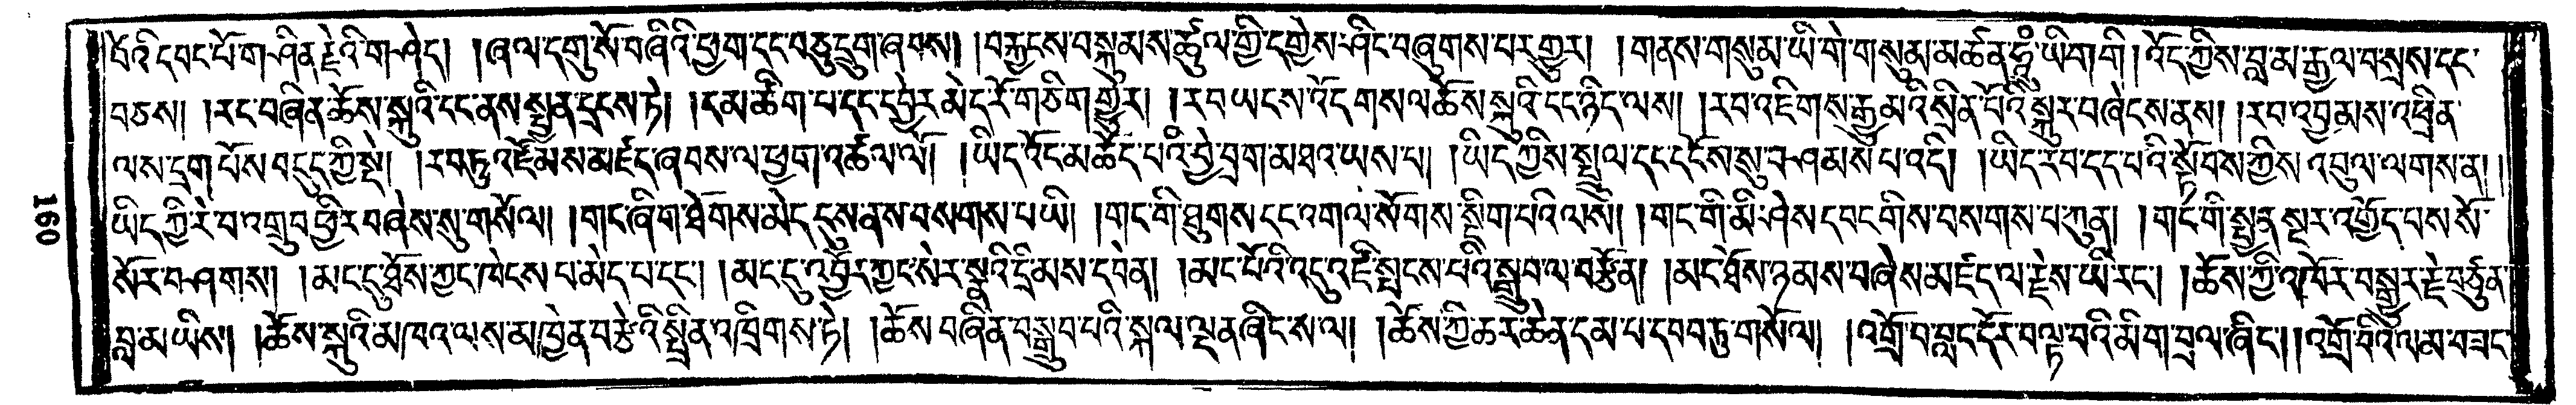བོའི་དབང་པོ་གཤིན་རྗེའི་གཤེད། །ཞལ་དགུ་སོ་བཞིའི་ཕྱག་དང་བཅུ་དྲུག་ཞབས། །བརྐྱངས་བསྐུམས་ཚུལ་གྱི་དགྱེས་ཤིང་བཞུགས་པར་གྱུར། །གནས་གསུམ་ཡི་གེ་གསུམ་མཚན་ཧཱུཾ་ཡིག་གི། འོད་ཀྱིས་བླ་མ་རྒྱལ་བ་སྲས་དང་
བཅས། །རང་བཞིན་ཆོས་སྐུའི་དད་ནས་སྤྱན་དྲངས་ཏེ། །དམ་ཚིག་པ་དང་དབྱེར་མེད་རོ་གཅིག་གྱུར། །རབ་ཡངས་འོད་གསལ་ཆོས་སྐུའི་ངང་ཉིད་ལས། །རབ་འཇིགས་རྒྱུ་མའི་སྲིན་པོའི་སྐུར་བཞེངས་ནས། །རབ་འབྱམས་འཕྲིན་
ལས་དྲག་པོས་བདུད་ཀྱི་སྡེ། །རབ་ཏུ་འཛོམས་མཛད་ཞབས་ལ་ཕྱག་འཚལ་ལོ། །ཡིད་འོང་མཆོད་པའི་བྱེ་བྲག་མཐའ་ཡས་པ། །ཡིད་ཀྱིས་སྤྲུལ་དང་དངོས་སུ་བཤམས་པ་འདི། །ཡིད་རབ་དང་པའི་སྟོབས་ཀྱིས་འབུལ་ལགས་ན། །
ཡིད་ཀྱི་རེ་བ་འགྲུབ་ཕྱིར་བཞེས་སུ་གསོལ། །གང་ཞིག་ཐོགས་མེད་དུས་ནས་བསགས་པ་ཡི། །གང་གི་ཐུགས་དང་འགལ་སོགས་སྡིག་པའི་ལས། །གང་གི་མི་ཤེས་དབང་གིས་བསགས་པ་ཀུན། །གང་གི་སྤྱན་སྔར་འགྱོད་པས་སོ།
སོར་བཤགས། །མང་དུ་ཐོས་ཀྱང་ཁེངས་པ་མེད་པ་དང་། །མང་དུ་འབྱོར་ཀྱང་སེར་སྣའི་དྲི་མས་དབེན། །མང་པོའི་འདུ་འཛི་སྤངས་པའི་སྒྲུབ་ལ་བརྩོན། །མང་ཐོས་ཉམས་བཞེས་མཛད་ལ་རྗེས་ཡི་རང་། །ཆོས་ཀྱི་འཁོར་བསྒྱུར་རྗེ་བཙུན་
བླ་མ་ཡིས། །ཆོས་སྐུའི་མཁའ་ལས་མཁྱེན་བརྩེའི་སྤྲིན་འཁྲིགས་ཏེ། །ཆོས་བཞིན་བསྒྲུབ་པའི་སྐལ་ལྡན་ཞིང་ས་ལ། །ཆོས་ཀྱི་ཆར་ཆེན་དམ་པ་དབབ་ཏུ་གསོལ། །འགྲོ་བ་བླང་དོར་བལྟ་བའི་མིག་བྲལ་ཞིང་། །འགྲོ་བའི་ལམ་བཟང་